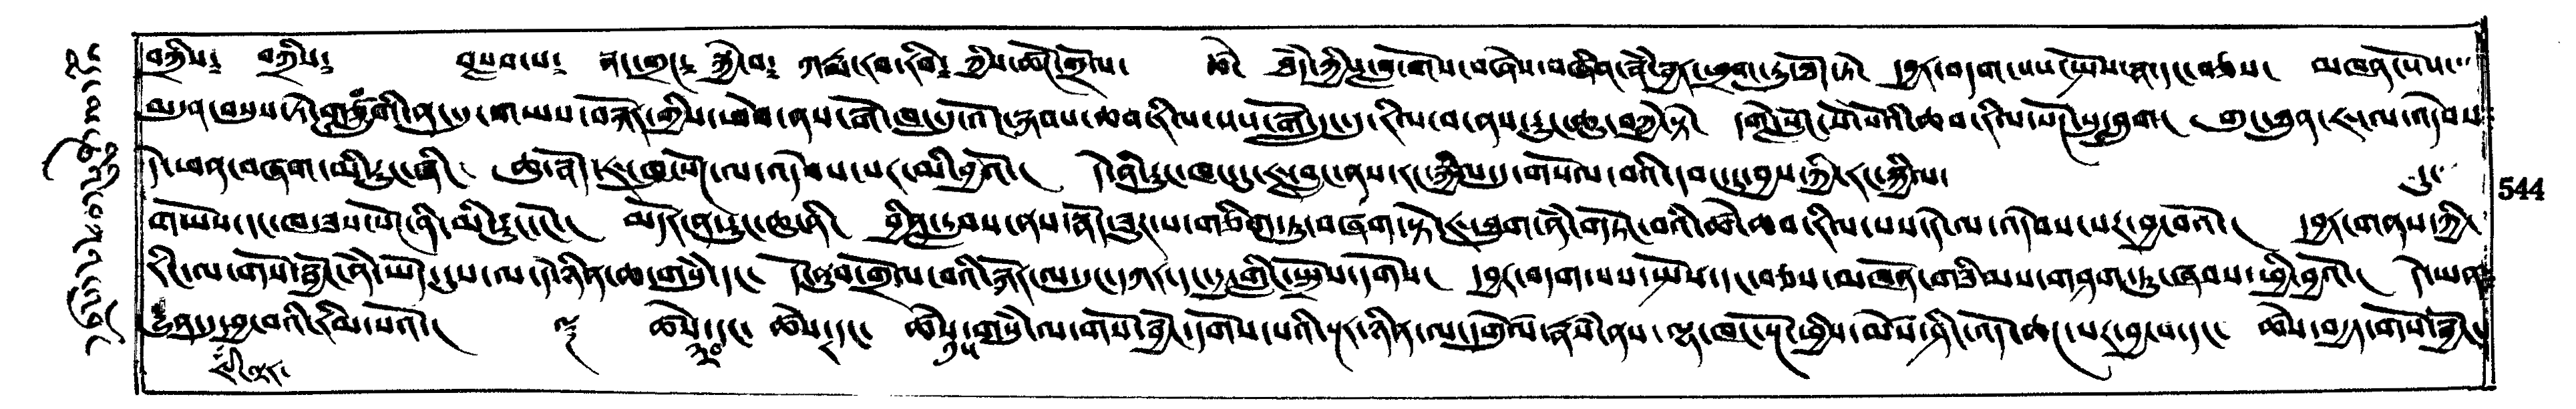བཀྲ་ཤིས༴ བཀྲ་ཤིས༴ བསླབ་པ༴ སྣང་གྲགས༴ སྐྱེ་བ༴ སྐར་མ་རབ་རིབ༴ ཀྱིས་ཚོགས་གྲོལ་ཚེ་ཐམས་ཅད་ཀྱིས་བླ་གོས་བཞེས་བཞིན་སྣམ་སྦྱར་ཕྲག་ཏུ་ཐོགས་ཏེ། དབྱར་བདག་པས་སྤོས་སྣ་དང་བཅས། མཁན་པོས་
མདུན་བསུས་ཏེ་གཙུག་ལག་གི་ནང་དུ་གཡས་བསྐོར་གྱིས་ཕེབས་ནས་སྒོ་ཁག་དུ་འོང་སྐབས་ཆབ་རིལ་པས་སྒོ་དྲུང་དུ་རིལ་བ་ནས་རུང་ཆུ་བཀྱེ་སྟེ། དགེ་སློང་སོ་སོའི་ཆབ་རིལ་སོགས་སུ་བླུག་གུང་ཐུན་ཇ་ལ་འདེབས། 
དེ་ཕན་བཞག་མི་རུང་ཞིང་། ཆུ་སྣོད་ཇ་ཁུ་སོགས་ལ་འདེབས་པར་མི་བྱའོ།། དེ་ནི་རུང་ཁང་དུ་ཇ་བླང་ནས་རང་སྐྱིལ་དུ་གསོལ་བའི་དབང་དུ་བྱས་ཀྱི་རང་སྐྱིལ་དུ་
གཡོས་དང་ཁ་ཟས་སོགས་ནི་མི་རུང་ངོ་།། མདོར་ན་རུང་ཆུ་ནི།བྱིན་བརླབ་ནས་སྣོད་ཟུར་པ་གཅིག་ཏུ་བཞག་སྟེ་ཇ་ཐུག་ནམ་གཏོང་བའི་ཚེ་ཆབ་རིལ་པས་དེ་ལ་འདེབས་པར་བྱ་བའོ།། དབྱར་གནས་ཀྱི་
རིང་ལ་གསོ་སྦྱོང་ནམ་ཡོད་དུས་ལ་དེ་ཉིན་ཆ་གསུམ་དང་། དོ་ནུབ་གྲོལ་བའི་སྐོར་ལ་དུང་དཀར་དང་རྒྱ་གླིང་སྤྲོས་དགོས། དབྱར་བདག་པས་སྤོས་དང་བཅས་མཁན་པོ་གཟིམས་གཤག་ཏུ་ཞབས་ཕྱི་བྱའོ།། དེ་ཡན་
རྒྱུན་དུ་ཇི་ལྟར་བྱ་བའི་རིམ་པའོ། ། ༈ ཚེས་ ༣༠ དང་། ཚེས་ ༨ དང་། ཚེས་ ༡༥ གསུམ་ལ་གསོ་སྦྱོང་དགོས་པའི་སྔར་ཉིན་ལ་དགེ་ཚུལ་རྣམས་ནས་ལྷ་ཁང་བྱི་འདོར་གྱིས་མཛེས་ཤིང་འོད་ཆགས་པར་བྱ་བ་དང་། ཚེས་བརྒྱད་གསོ་སྦྱོང་